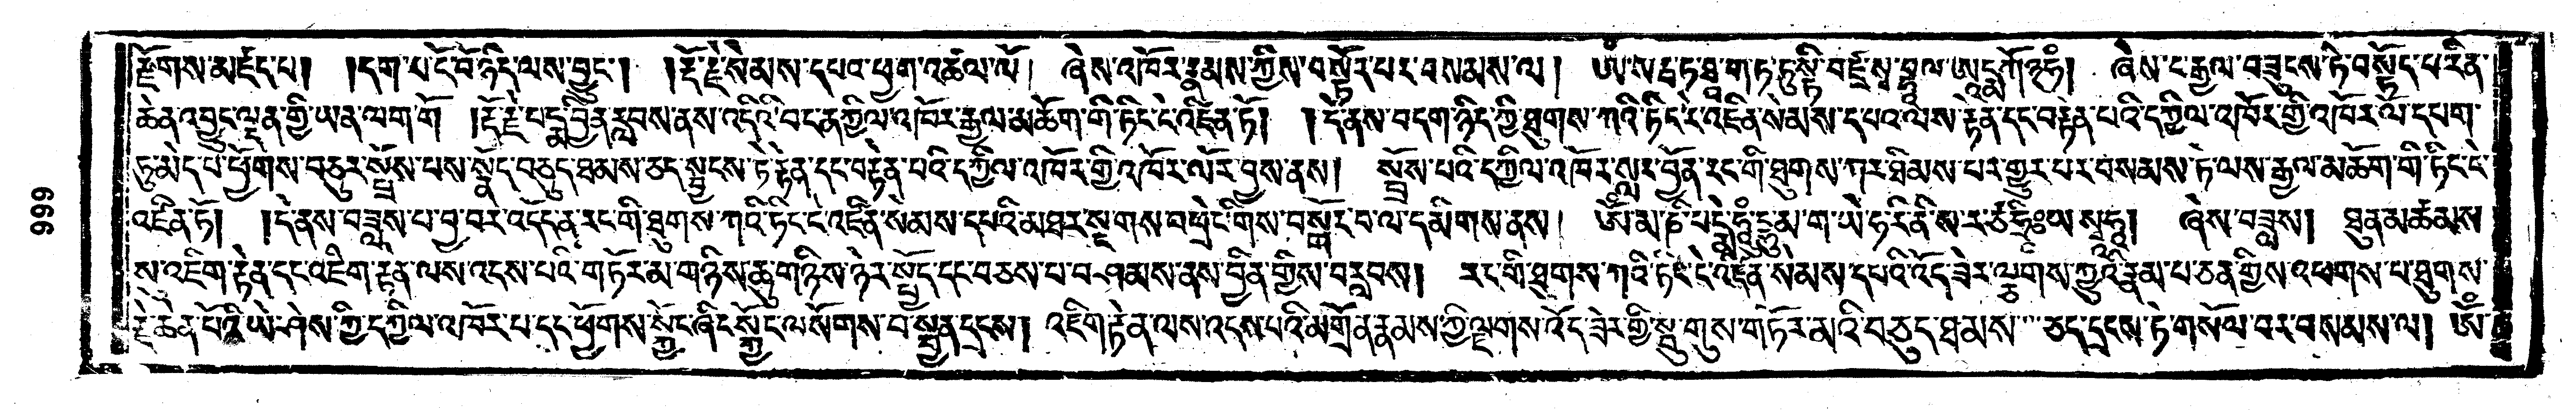རྫོགས་མཛད་པ། །དག་པ་ངོ་བོ་ཉིད་ལས་བྱུང་། །རྡོ་རྗེ་སེམས་དཔའ་ཕྱག་འཚལ་ལོ། །ཞེས་འཁོར་རྣམས་ཀྱིས་བསྟོར་པར་བསམ་ལ། ཨཾ་སརྦ་ཏ་ཐཱ་ག་ཏ་ཏུ་སྟི་བཛྲ་སྭ་བྷཱལ་ཨཱདམ་ཀོཉྷཾ། ཞེས་ང་རྒྱལ་བཟུངས་ཏེ་བསྟོད་པ་རིན་
ཆེན་འབྱུང་ལྡན་གྱི་ཡན་ལག་གོ །རྡོ་རྗེ་པདམ་བྱིན་རླབས་ནས་འདིའི་བད་ན་ཀྱིལ་འཁོར་རྒྱལ་མཆོག་གི་ཏིང་ངེ་འཛིན་ཏོ། །དེ་ནས་བདག་ཉིད་ཀྱི་ཐུགས་ཀའི་ཏིང་ངེ་འཛིན་སེམས་དཔའ་ལས་རྟེན་དང་བརྟེན་པའི་དཀྱིལ་འཁོར་གྱི་འཁོར་ལོ་དཔག་
ཏུ་མེད་པ་ཕྱོགས་བཅུར་སྤྲོས་པས་སྣོད་བཅུད་ཐམས་ཅད་སྦྱངས་ཏེ་རྟེན་དང་བརྟེན་པའི་དཀྱིལ་འཁོར་གྱི་འཁོར་ལོར་བྱས་ནས། སྤྲོས་པའི་དཀྱིལ་འཁོར་སླར་བྱོན་རང་གི་ཐུགས་ཀར་ཐིམས་པར་གྱུར་པར་བསམས་ཏེ་ལས་རྒྱལ་མཆོག་གི་ཏིང་ངེ་
འཛིན་ཏོ། །དེ་ནས་བཟླས་པ་བྱ་བར་འདོད་ན་རང་གི་ཐུགས་ཀའི་ཏིང་ངེ་འཛིན་སེམས་དཔའི་མཐར་སྔགས་འཕྲེང་གིས་བསྒོར་བ་ལ་དམིགས་ནས། ཨོཾ་མ་ཎི་པདམེ་ཧཱུཾ་དྷུ་མ་ག་ཡེ་ཧ་རི་ནི་ས་ར་ཙ་ཧྲཱིཿཡ་སྭཱཧཱ། ཞེས་བཟླས། ཐུན་མཚམས་
སུ་འཇིག་རྟེན་དང་འཇིག་རྟན་ལས་འདས་པའི་གཏོར་མ་གཉིས་ཆུ་གཉིས་ཉེར་སྤྱོད་དང་བཅས་པ་བཤམས་ནས་བྱིན་གྱིས་བརླབས། རང་གི་ཐུགས་ཀའི་ཏིང་ངེ་འཛིན་སེམས་དཔའི་འོད་ཟེར་ལྕགས་ཀྱུའི་རྣམ་པ་ཅན་གྱིས་འཕགས་པ་ཐུགས་
རྗེ་ཆེན་པོའི་ཡེ་ཤེས་ཀྱི་དཀྱིལ་འཁོར་པ་དང་ཕྱོགས་སྐྱོང་ཞིང་སྐྱོང་ལ་སོགས་བ་སྦྱན་དྲངས། འཇིག་རྟེན་ལས་འདས་པའི་མགྲོན་རྣམས་ཀྱི་ལྗགས་འོད་ཟེར་གྱི་སྦུ་གུས་གཏོར་མའི་བཅུད་ཐམས་ཅད་དྲངས་ཏེ་གསོལ་བར་བསམས་ལ། ཨོཾ་